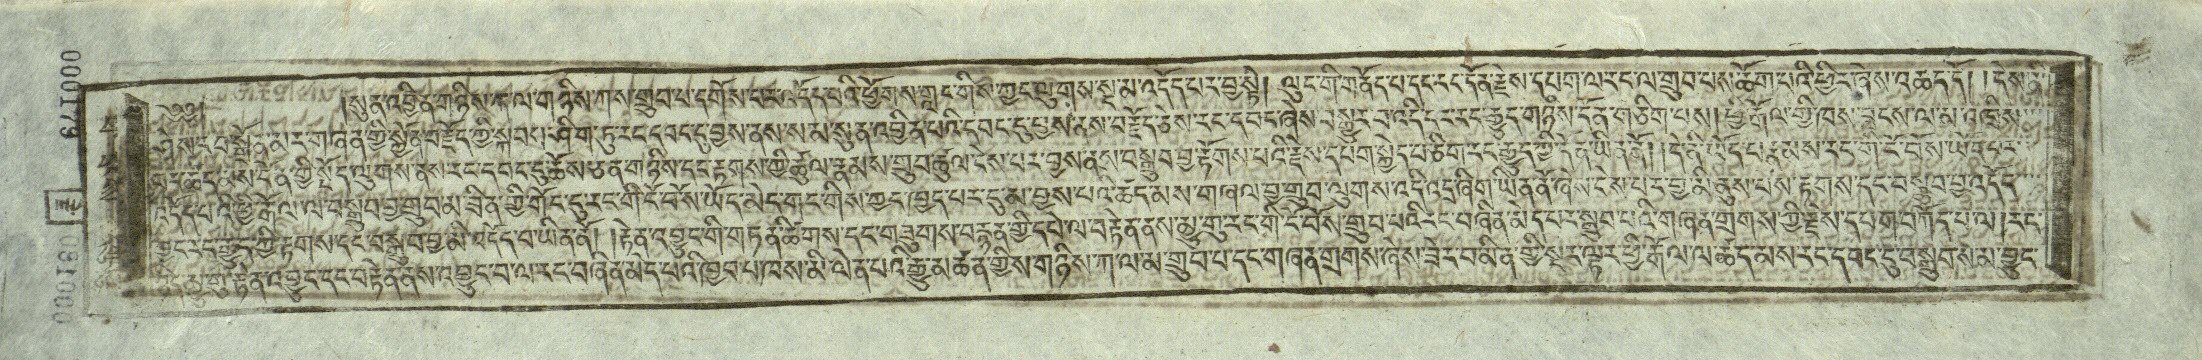༄༅། །སུན་འབྱིན་གཉིས་ཀ་ལ་གཉིས་ཀས་གྲུབ་པ་དགོས་པར་འདོད་པའི་ཕྱོགས་གླང་གིས་ཀྱང་ལུགས་སྔ་མ་འདོད་པར་བྱ་སྟེ། ལུང་གི་གནོད་པ་དང་རང་དོན་རྗེས་དཔག་ལ་རང་ལ་གྲུབ་པས་ཆོག་པའི་ཕྱིར་ཞེས་འཆད་དོ། །དེས་ན་
ཤེས་རབ་སྒྲོན་མར་གཞན་གྱི་སྐྱོན་བརྗོད་ཀྱི་སྐབས་ཤིག་ཏུ་རང་དབང་དུ་བྱས་ནས་སམ་སུན་འབྱིན་པའི་དབང་དུ་བྱས་ནས་བརྗོད་ཅེས་རང་དབང་ཞེས་བསྒྱུར་བ་འདི་དང་རང་རྒྱུད་གཉིས་དོན་གཅིག་པས། ཕྱི་རྒོལ་གྱི་ཁས་བླངས་ལ་མེ་འཁྲིས་
པར་ཚད་མས་དོན་གྱི་སྡོད་ལུགས་ནས་རང་དབང་དུ་ཆོས་ཅན་གཉིས་དང་རྟགས་ཀྱི་ཚུལ་རྣམས་གྲུབ་ཚུལ་ངེས་པར་བྱས་ནས་བསྒྲུབ་བྱ་རྟོགས་པའི་རྗེས་དཔག་སྐྱེད་པ་ཅིག་རང་རྒྱུད་ཀྱི་དོན་ཡིན་ནོ། །དེ་ནི་ཡོད་པ་རྣམས་རང་གི་ངོ་བོས་ཡོད་པར་
འདོད་པའི་ཕྱི་རྒོལ་ལ་བསྒྲུབ་བྱ་གྲུབ་མ་ཟིན་གྱི་གོང་དུ་རང་གི་ངོ་བོས་ཡོད་མེད་གང་གིས་ཀྱང་ཁྱད་པར་དུ་མ་བྱས་པའི་ཚད་མས་གཞལ་བྱ་གྲུབ་ལུགས་འདི་འདྲ་ཞིག་ཡིན་ནོ་ཞེས་ངེས་པར་བྱ་མི་ནུས་པས་རྟགས་དང་བསྒྲུབ་བྱ་འདོད་
ཀྱང་རང་རྒྱུད་ཀྱི་རྟགས་དང་བསྒྲུབ་བྱ་མི་འདོད་པ་ཡིན་ནོ། །རྟེན་འབྱུང་གི་གཏན་ཚིགས་དང་གཟུགས་བརྙན་གྱི་དཔེ་ལ་བརྟེན་ནས་མྱུ་གུ་རང་གི་ངོ་བོས་གྲུབ་པའི་རང་བཞིན་མེད་པར་སྒྲུབ་པའི་གཞན་གྲགས་ཀྱི་རྗེས་དཔག་བཀོད་པ་ལ། རང་
ཉིད་མྱུ་གུ་རྟེན་འབྱུང་དང་བརྟེན་ནས་འབྱུང་བ་ལ་རང་བཞིན་མེད་པའི་ཁྱབ་པ་ཁས་མི་ལེན་པའི་རྒྱུ་མཚན་གྱིས་གཉིས་ཀ་ལ་མ་གྲུབ་པ་དང་གཞན་གྲགས་ཞེས་ཟེར་བ་མིན་གྱི་སྔར་ལྟར་ཕྱི་རྒོལ་ལ་ཚད་མས་རང་དབང་དུ་བསྒྲུབ་ས་མ་བྱུང་